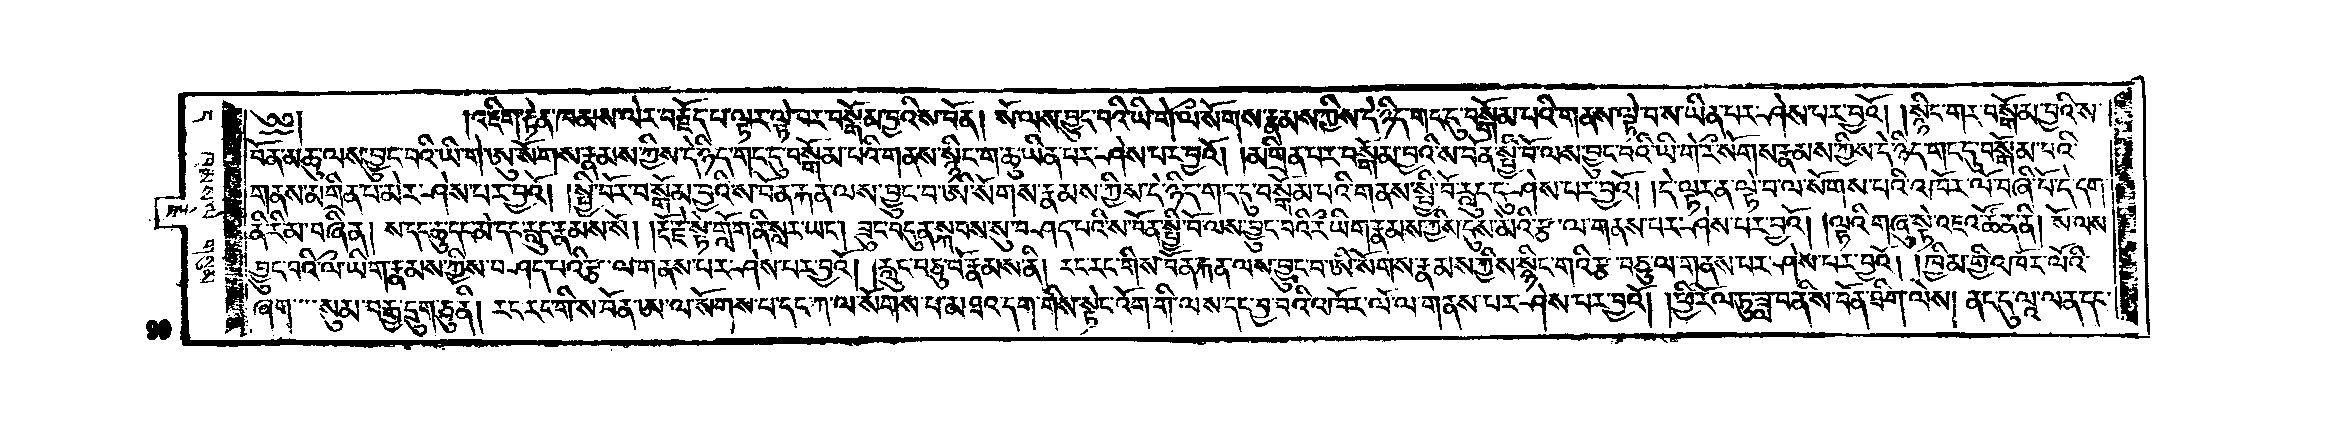༄༅། །འཇིག་རྟེན་ཁམས་ལེར་བརྗོད་པ་ལྟར་ལྟེ་བར་བསྒོམ་བྱའི་ས་བོན། སོ་ལས་བྱུང་བའི་ཡི་གེ་ལྀ་སོགས་རྣམས་ཀྱིས་དེ་ཉིད་གང་དུ་བསྒོམ་པའི་གནས་ལྟེ་བ་ས་ཡིན་པར་ཤེས་པར་བྱའོ། །སྙིང་གར་བསྒོམ་བྱའི་ས་
བོན་མཆུ་ལས་བྱུང་བའི་ཡི་གེ་ཨུ་སོགས་རྣམས་ཀྱིས་དེ་ཉིད་གང་དུ་བསྒོམ་པའི་གནས་སྙིང་ག་ཆུ་ཡིན་པར་ཤེས་པར་བྱའོ། །མགྲིན་པར་བསྒོམ་བྱའི་ས་བོན་སྤྱི་བོ་ལས་བྱུང་བའི་ཡི་གེ་རྀ་སོགས་རྣམས་ཀྱིས་དེ་ཉིད་གང་དུ་བསྒོམ་པའི་
གནས་མགྲིན་པ་མེར་ཤེས་པར་བྱའོ། །སྤྱི་བོར་བསྒོམ་བྱའི་ས་བོན་རྐན་ལས་བྱུང་བ་ཨི་སོགས་རྣམས་ཀྱིས་དེ་ཉིད་གང་དུ་བསྒོམ་པའི་གནས་སྤྱི་བོ་རླུང་དུ་ཤེས་པར་བྱའོ། །དེ་ལྟར་ན་ལྟེ་བ་ལ་སོགས་པའི་འཁོར་ལོ་བཞི་པོ་དེ་དག་
ནི་རིམ་བཞིན། ས་དང་ཆུ་དང་མེ་དང་རླུང་རྣམས་སོ། །རྡོ་རྗེ་སྟེ་གློག་ནི་སླར་ཡང་། ཟུང་བདུན་སྐབས་སུ་བཤད་པའི་ས་བོན་སྤྱི་བོ་ལས་བྱུང་བའི་རྀ་ཡིག་རྣམས་ཀྱིས་དུས་མེའི་རྩ་ལ་གནས་པར་ཤེས་པར་བྱའོ། །ལྟའི་གཞུ་སྟེ་འཇའ་ཚོན་ནི། སོ་ལས་
བྱུང་བའི་ལྀ་ཡིག་རྣམས་ཀྱིས་བཤད་པའི་རྩ་ལ་གནས་པར་ཤེས་པར་བྱའོ། །རླུང་བཅུ་པོ་རྣམས་ནི། རང་རང་གི་ས་བོན་རྐན་ལས་བྱུང་བ་ཨི་སོགས་རྣམས་ཀྱིས་སྙིང་གའི་རྩ་བཅུ་ལ་གནས་པར་ཤེས་པར་བྱའོ། །ཁྱིམ་གྱི་འཁོར་ལོའི་
ཞག་སུམ་བརྒྱ་དྲུག་ཅུ་ནི། རང་རང་གི་ས་བོན་ཨ་ལ་སོགས་པ་དང་ཀ་ལ་སོགས་པ་མཐའ་དག་གིས་སྟེང་འོག་གི་ལས་དང་བྱ་བའི་འཁོར་ལོ་ལ་གནས་པར་ཤེས་པར་བྱའོ། །ཕྱི་རོལ་ཏུ་ཟླ་བ་ནི་ས་བོན་ཐིག་ལེས། ནང་དུ་ལཱ་ལན་དང་